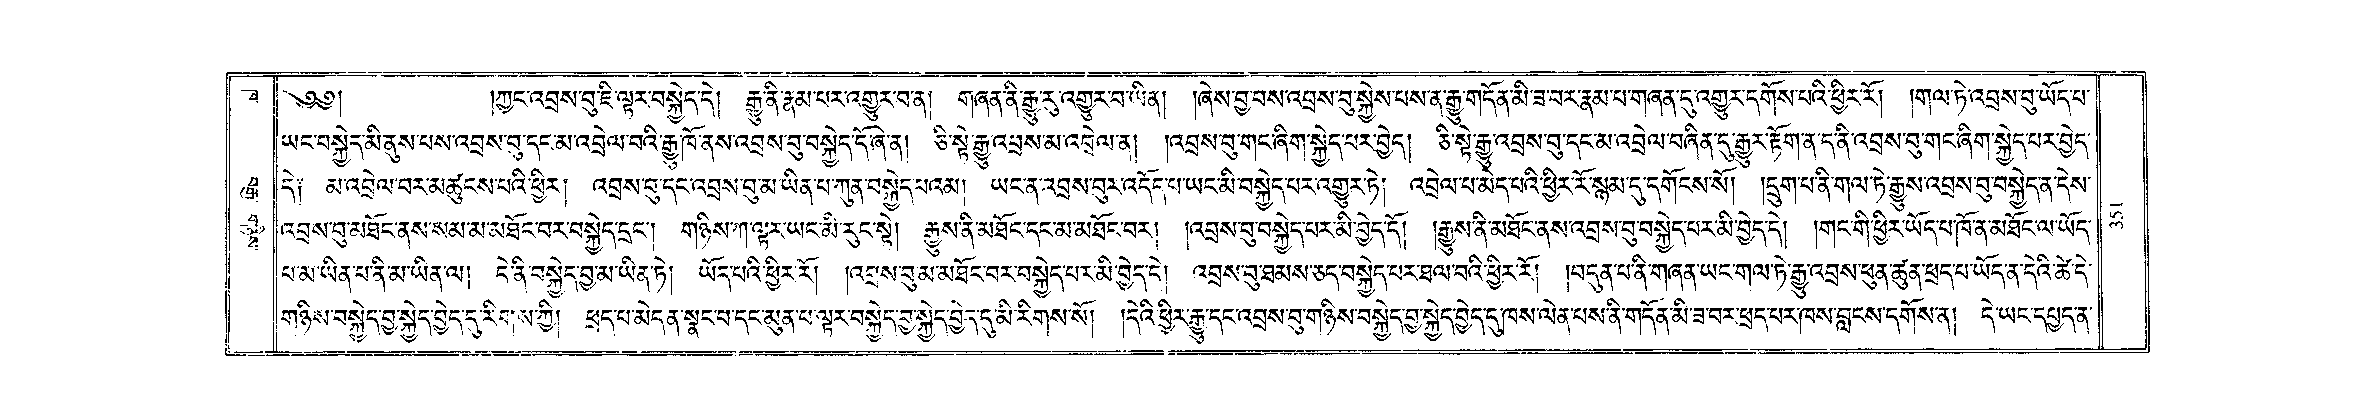༄༅། །ཀྱང་འབྲས་བུ་ཇི་ལྟར་བསྐྱེད་དེ། རྒྱུ་ནི་རྣམ་པར་འགྱུར་བ་ན། གཞན་ནི་རྒྱུ་རུ་འགྱུར་བ་ཡིན། །ཞེས་བྱ་བས་འབྲས་བུ་སྐྱེས་པས་ན་རྒྱུ་གདོན་མི་ཟ་བར་རྣམ་པ་གཞན་དུ་འགྱུར་དགོས་པའི་ཕྱིར་རོ། །གལ་ཏེ་འབྲས་བུ་ཡོད་པ་
ཡང་བསྐྱེད་མི་ནུས་པས་འབྲས་བུ་དང་མ་འབྲེལ་བའི་རྒྱུ་ཁོ་ནས་འབྲས་བུ་སྐྱེད་དོ་ཞེ་ན། ཅི་སྟེ་རྒྱུ་འབྲས་མ་འབྲེལ་ན། །འབྲས་བུ་གང་ཞིག་སྐྱེད་པར་བྱེད། ཅི་སྟེ་རྒྱུ་འབྲས་བུ་དང་མ་འབྲེལ་བཞིན་དུ་རྒྱུར་རྟོག་ན་ད་ནི་འབྲས་བུ་གང་ཞིག་སྐྱེད་པར་བྱེད་
དེ༑ མ་འབྲེལ་བར་མཚུངས་པའི་ཕྱིར། འབྲས་བུ་དང་འབྲས་བུ་མ་ཡིན་པ་ཀུན་བསྐྱེད་པའམ། ཡང་ན་འབྲས་བུར་འདོད་པ་ཡང་མི་བསྐྱེད་པར་འགྱུར་ཏེ། འབྲེལ་པ་མེད་པའི་ཕྱིར་རོ་སྙམ་དུ་དགོངས་སོ། །དྲུག་པ་ནི་གལ་ཏེ་རྒྱུས་འབྲས་བུ་བསྐྱེད་ན་དེས་
འབྲས་བུ་མཐོང་ནས་སམ་མ་མཐོང་བར་བསྐྱེད་དྲང་། གཉིས་ཀ་ལྟར་ཡང་མི་རུང་སྟེ། རྒྱུས་ནི་མཐོང་དང་མ་མཐོང་བར། །འབྲས་བུ་བསྐྱེད་པར་མི་བྱེད་དོ། །རྒྱུས་ནི་མཐོང་ནས་འབྲས་བུ་བསྐྱེད་པར་མི་བྱེད་དེ། །གང་གི་ཕྱིར་ཡོད་པ་ཁོ་ན་མཐོང་ལ་ཡོད་
པ་མ་ཡིན་པ་ནི་མ་ཡིན་ལ། དེ་ནི་བསྐྱེད་བྱ་མ་ཡིན་ཏེ། ཡོད་པའི་ཕྱིར་རོ། །འབྲས་བུ་མ་མཐོང་བར་བསྐྱེད་པར་མི་བྱེད་དེ། འབྲས་བུ་ཐམས་ཅད་བསྐྱེད་པར་ཐལ་བའི་ཕྱིར་རོ། །བདུན་པ་ནི་གཞན་ཡང་གལ་ཏེ་རྒྱུ་འབྲས་ཕུན་ཚུན་ཕྲད་པ་ཡོད་ན་དེའི་ཚེ་དེ་
གཉིས་བསྐྱེད་བྱ་སྐྱེད་བྱེད་དུ་རིགས་ཀྱི། ཕྲད་པ་མེད་ན་སྣང་བ་དང་མུན་པ་ལྟར་བསྐྱེད་བྱ་སྐྱེད་བྱེད་དུ་མི་རིགས་སོ། །དེའི་ཕྱིར་རྒྱུ་དང་འབྲས་བུ་གཉིས་བསྐྱེད་བྱ་སྐྱེད་བྱེད་དུ་ཁས་ལེན་པས་ནི་གདོན་མི་ཟ་བར་ཕྲད་པར་ཁས་བླངས་དགོས་ན། དེ་ཡང་དཔྱད་ན་